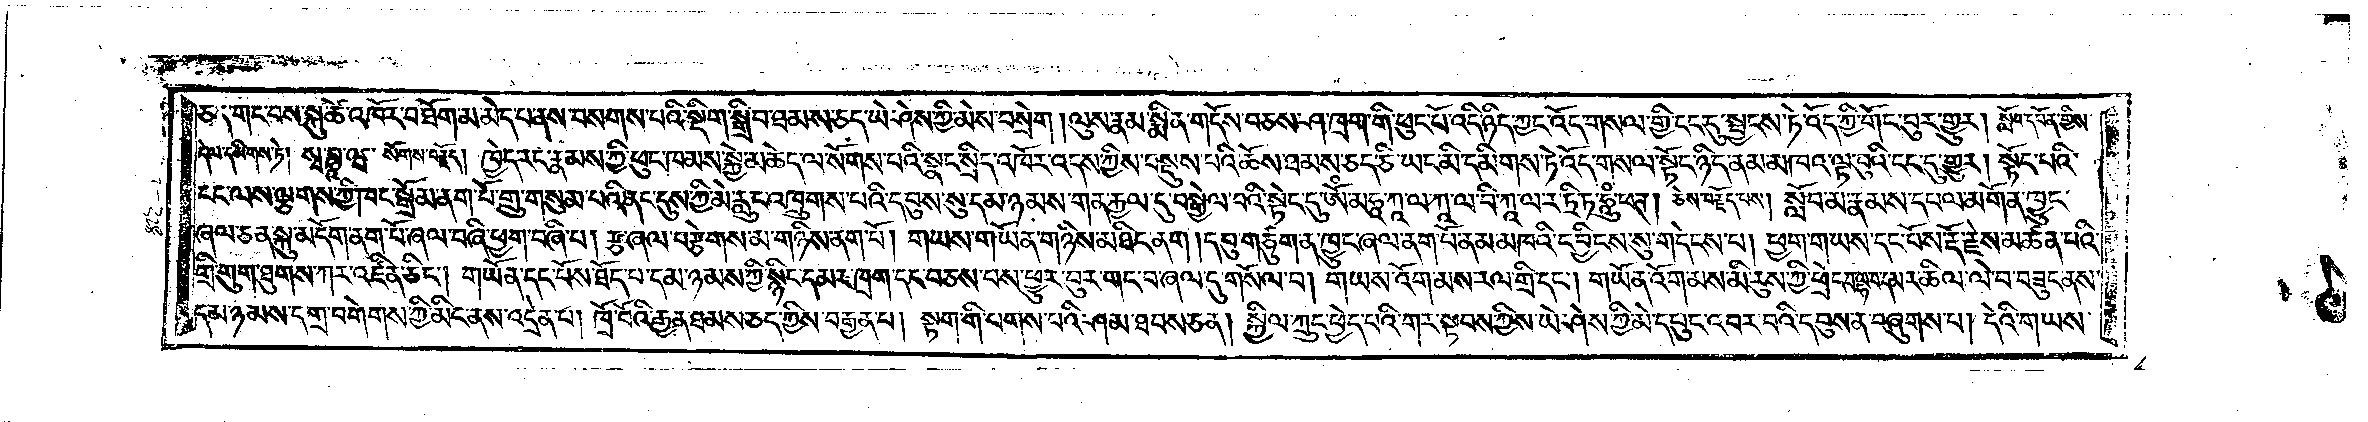ཅད་གང་བས་སྐུ་ཚེ་འཁོར་བ་ཐོག་མ་མེད་པ་ནས་བསགས་པའི་སྡིག་སྒྲིབ་ཐམས་ཅད་ཡེ་ཤེས་ཀྱི་མེས་བསྲེག །ལུས་རྣམ་སྨིན་གདོས་བཅས་ཤ་ཁྲག་གི་ཕུང་པོ་འདི་ཉིད་ཀྱང་འོད་གསལ་གྱི་ངང་དུ་སྦྱངས་ཏེ་འོད་ཀྱི་གོང་བུར་གྱུར། སློབ་དཔོན་གྱིས་
དེས་དམིགས་ཏེ། སྭ་བྷཱ་ཝ་སོགས་བརྗོད།  ཁྱེད་རང་རྣམས་ཀྱི་ཕུང་ཁམས་སྐྱེ་མཆེད་ལ་སོགས་པའི་སྣང་སྲིད་འཁོར་འདས་ཀྱིས་བསྡུས་པའི་ཆོས་ཐམས་ཅད་ཅི་ཡང་མི་དམིགས་ཏེ་འོད་གསལ་སྟོང་ཉིད་ནམ་མཁའ་ལྟ་བུའི་ངང་དུ་གྱུར། སྟོང་པའི་
ངང་ལས་ལྕགས་ཀྱི་ཁང་སྒྲོམ་ནག་པོ་གྲུ་གསུམ་པའི་ནང་དུས་ཀྱི་མེ་རླུང་འཁྲུགས་པའི་དབུས་སུ་དམ་ཉམས་གན་རྐྱལ་དུ་བསྒྱེལ་བའི་སྟེང་དུ་ཨོཾ་མཧཱ་ཀཱ་ལ་ཀཱ་ལ་བི་ཀཱ་ལ་ར་ཏྲི་ཏ་ཧཱུཾ་ཕཊ། ཅེས་བརྗོད་པས།  སློབ་མ་རྣམས་དཔལ་མགོན་ཁྱུང་
ཞལ་ཅན་སྐུ་མདོག་ནག་པོ་ཞལ་བཞི་ཕྱག་བཞི་པ། རྩ་ཞལ་བརྩེགས་མ་གཉིས་ནག་པོ། གཡས་གཡོན་གཉིས་མཐིང་ནག །དབུ་གཙུག་ན་ཁྱུང་ཞལ་ནག་པོ་ནམ་མཁའི་དབྱིངས་སུ་གདེངས་པ། ཕྱག་གཡས་དང་པོས་རྡོ་རྗེས་མཚན་པའི་
གྲི་གུག་ཐུགས་ཀར་འཛིན་ཅིང་། གཡོན་དང་པོས་ཐོད་པ་དམ་ཉམས་ཀྱི་སྙིང་དམར་ཁྲག་དང་བཅས་པས་ཕྱུར་པུར་གང་བ་ཞལ་དུ་གསོལ་བ། གཡས་འོག་མས་རལ་གྲི་དང་། གཡོན་འོག་མས་མི་རུས་ཀྱི་ཕྲེང་བ་ལྷ་བ་དམར་ཆིལ་ལེ་བ་བཟུང་ནས་
དམ་ཉམས་དགྲ་བགེགས་ཀྱི་མིང་ནས་འདྲེན་པ། ཁྲོ་བོའི་རྒྱན་ཐམས་ཅད་ཀྱིས་བརྒྱན་པ། སྟག་གི་པགས་པའི་ཤམ་ཐབས་ཅན། སྐྱིལ་ཀྲུང་ཕྱེད་པའི་གར་སྟབས་ཀྱིས་ཡེ་ཤེས་ཀྱི་མེ་དཔུང་འབར་བའི་དབུས་ན་བཞུགས་པ། དེའི་གཡས་